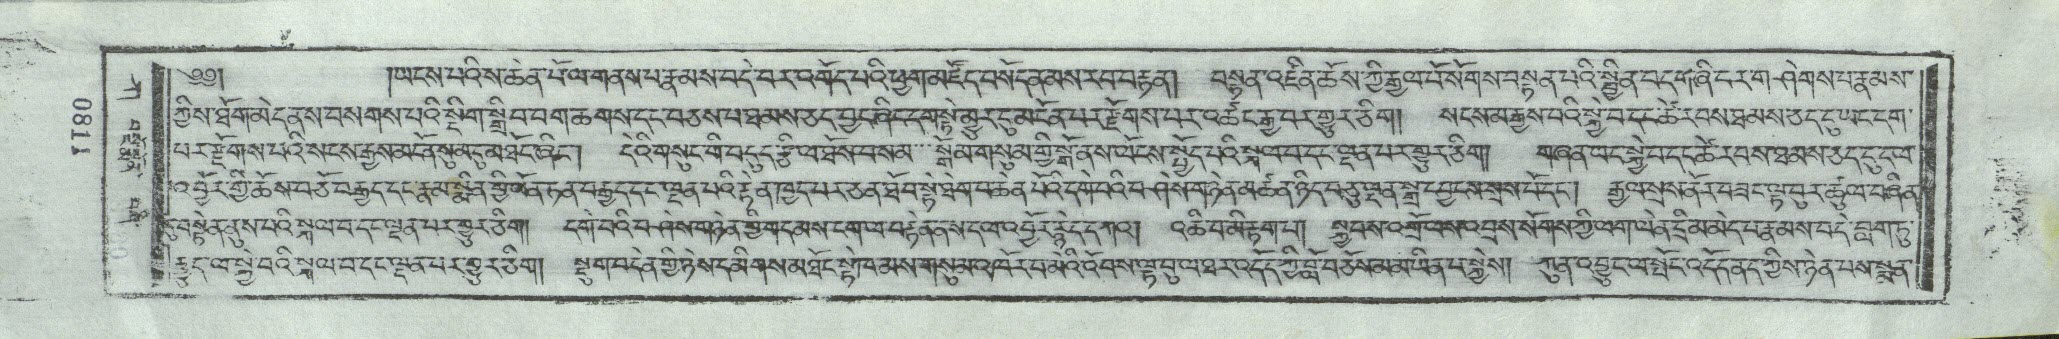༄༅། །ཡངས་པའི་ས་ཆེན་པོ་ལ་གནས་པ་རྣམས་བདེ་བར་འགོད་པའི་ཕྱག་མཛོད་བསོད་ནམས་རབ་བརྟན། བསྟན་འཛིན་ཆོས་ཀྱི་རྒྱལ་པོ་སོགས་བསྟན་པའི་སྦྱིན་བདག་ཞིང་ར་གཤེགས་པ་རྣམས་
ཀྱིས་ཐོག་མེད་ནས་བསགས་པའི་སྡིག་སྒྲིབ་བག་ཆགས་དང་བཅས་པ་ཐམས་ཅད་བྱང་ཞིང་དག་སྟེ་མྱུར་དུ་མངོན་པར་རྫོགས་པར་འཚང་རྒྱ་བར་གྱུར་ཅིག །སངས་མ་རྒྱས་པའི་སྐྱེ་བ་དང་ཚེ་རབས་ཐམས་ཅད་དུ་ཡང་དག་
པར་རྫོགས་པའི་སངས་རྒྱས་མངོན་སུམ་དུ་མཐོང་ཞིང་། དེའི་གསུང་གི་བདུད་རྩི་ལ་ཐོས་བསམ་སྒོམ་གསུམ་གྱི་སྒོ་ནས་ལོངས་སྤྱོད་པའི་སྐལ་བ་དང་ལྡན་པར་གྱུར་ཅིག །གཞན་ཡང་སྐྱེ་བ་དང་ཚེ་རབས་ཐམས་ཅད་དུ་དལ་
འབྱོར་གྱི་ཆོས་བཅོ་བརྒྱད་དང་རྣམ་སྨིན་གྱི་ཡོན་ཏན་བརྒྱད་དང་ལྡན་པའི་རྟེན་ཁྱད་པར་ཅན་ཐོབ་སྟེ་ཐེག་པ་ཆེན་པོའི་དགེ་བའི་བཤེས་གཉེན་མཚན་ཉིད་བཅུ་ལྡན་སྐྲ་དབྱངས་སྲས་པོ་དང་། རྒྱལ་སྲས་ནོར་བཟང་ལྟ་བུར་ཚལ་བཞིན་
དུ་བསྟེན་ནུས་པའི་སྐལ་བ་དང་ལྡན་པར་གྱུར་ཅིག །དགེ་བའི་བཤེས་གཉེན་གྱི་གདམས་ངག་ལ་བརྟེན་ནས་དལ་འབྱོར་རྙེད་བཀའ། འཆི་བ་མི་རྟག་པ། སྐྱབས་འགྲོ་ལས་འབྲས་སོགས་ཀྱི་ལག་ལེན་དྲི་མ་མེད་པ་རྣམ་པ་བདེ་བླག་ཏུ་
རྒྱུད་ལ་སྐྱེ་བའི་སྐལ་བ་དང་ལྡན་པར་གྱུར་ཅིག །སྡུག་བདེན་གྱི་ཉེས་དམིགས་མཐོང་སྙེ་ཁམས་གསུམ་འཁོར་བ་མིའིའོ་བས་ལྟ་བུ་ལ་ཐར་འདོད་ཀྱི་བླ་བཅོས་མ་མ་ཡིན་པ་སྐྱེ། ཀུན་འབྱུང་ལ་སྤོང་འདོད་ནད་ཀྱིས་ཉེན་པས་སྨན་